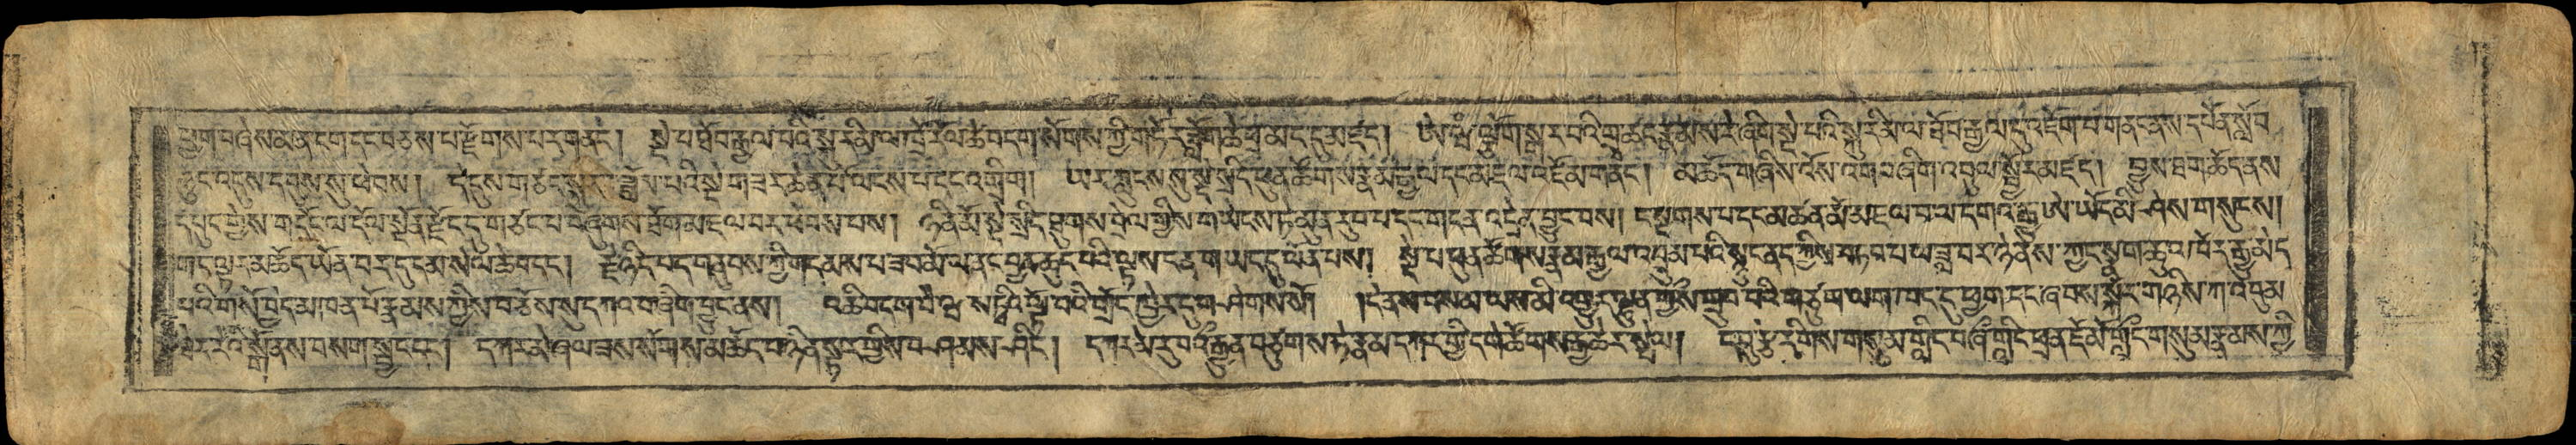ཕྱག་བཞེས་མན་ངག་དང་བཅས་པ་རྫོགས་པར་གནང་། སྡེ་པ་ཐོབ་རྒྱལ་བའི་སྐུ་རིམ་ལ་ཁྲོ་རོལ་ཚེ་བདག་སོགས་ཀྱི་གཏོར་ཟློག་ཆེ་ཕ་མང་དུ་མཛད། ཨེ་ཝཾ་ལྕོག་སྒར་བའི་གྲྭ་ཚང་རྣམས་རེ་ཞིག་སྡེ་པའི་སྐུ་རིམ་ལ་ཐོབ་རྒྱལ་དུ་འཇོག་པ་གནང་ནས་དཔོན་སློབ་
ཉུང་འདུས་དབུས་སུ་ཕེབས། དེ་དུས་གནང་?་སྐུར་ཟློས་པའི་སྡེ་གཟར་ཆན་པོ་ལངས་པ་དང་འགྲིག། ཡར་ཀླུངས་སུ་སྡེ་སྲིད་ཕུན་ཚོགས་རྣམ་རྒྱལ་དང་མཇལ་འཛོམ་གནང་། མཆོད་གཞིས་འོས་འགའ་ཞིག་འབུལ་སྤྱོར་མཛད། བྱུས་ཐག་ཆོད་ནས་
དབུང་གྱིས་གདོང་ལ་དོལ་སྔོན་རྫོང་དུ་གཙང་པ་བཞུགས་ཐོག་མཇལ་བར་ཕེབས་པས། ཉིན་མོ་སྡེ་སྲིད་ཐུགས་བྲེལ་གྱིས་གཡེངས་ཏེ་མུན་རུབ་པ་དང་གདན་འདྲེན་བྱུང་བས། ང་སྔགས་པ་དང་མཚན་མོ་མཇལ་བ་ལ་དགའ་རྒྱུ་ཨེ་ཡོད་མི་ཤེས་གསུངས།
གང་ལྟར་མཆོད་ཡོན་པར་དུ་དམ་སེལ་ཆེ་བ་དང་། རྗེ་ཉིད་པད་གནུབས་ཀྱི་གདམས་པ་ཟབ་མོ་ལ་ནང་བྱན་ཆུང་པའི་ལྟས་ངན་གཡང་དུ་ལོན་པས། སྡེ་པ་ཕུན་ཚོགས་རྣམ་རྒྱལ་འབྲུམ་པའི་སྙུང་ནད་ཀྱིས་བཏབ་པ་ལ་ཟླ་བར་ཉེ་ནས་ཀྱང་སྣག་ཆུ་འཁོར་རྒྱུ་མེད་
པའི་གསོ་བྱེད་མཁན་པོ་རྣམས་ཀྱིས་བཅོས་སུ་དཀའ་བ་ཞིག་བྱུང་ནས། འཆི་བདག་པ་ཝ་སཏྭའི་ལྟོ་བའི་གྲོང་ཁྱེར་དུ་གཤེགས་སོ། །དེ་ནས་བསམ་ཡས་མི་འགྱུར་ལྷུན་གྱྀས་གྲུབ་པའི་གཙུག་ལག་ཁང་དུ་ཕྱག་དང་ཞབས་སྐོར་གཉིས་ཀ་འབུམ་
ཐེར་རེའི་སྒོ་ནས་བསག་སྦྱང་དང་། དཀར་མེ་ཞལ་ཟས་སོགས་མཆོད་པ་ཉིན་སྟར་གྱིས་བཤམས་ཤིང་། དཀར་མེ་རུ་བཱྀ་རྒྱུན་བཙུགས་ཏེ་རྣམ་དཀང་གྱི་དགེ་ཚོགས་རྒྱ་ཆེར་སྤེལ། དབུ་རྩེ་རིགས་གསུམ་གླིང་བཞྀ་གླིང་ཕྲན་ཇོ་མོ་གླྀང་གསུམ་རྣམས་ཀྱི་